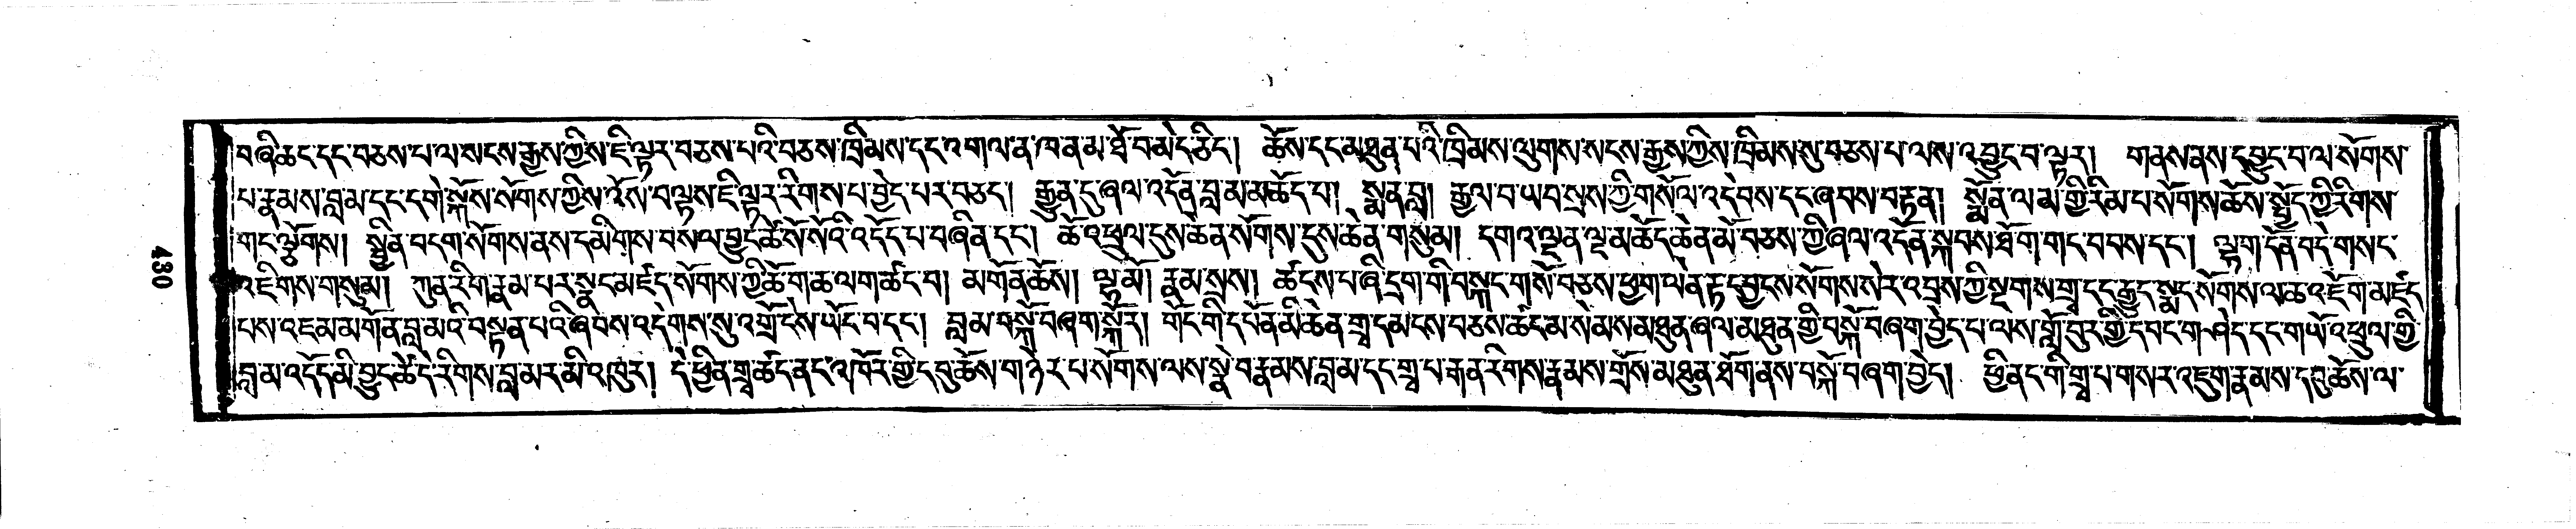བཞི་ཆང་དང་བཅས་པ་ལ་སངས་རྒྱས་ཀྱིས་ཇི་ལྟར་བཅས་པའི་བཅས་ཁྲིམས་དང་འགལ་ན་ཁ་ན་མ་ཐོ་བ་མེད་ཅིང་། ཆོས་དང་མཐུན་པའི་ཁྲིམས་ལུགས་སངས་རྒྱས་ཀྱིས་ཁྲིམས་སུ་བཅས་པ་ལས་འབྱུང་བ་ལྟར། གནས་ནས་དབྱུང་བ་ལ་སོགས་
པ་རྣམས་བླ་མ་དང་དགེ་སྐོས་སོགས་ཀྱིས་འོས་བལྟས་ཇི་ལྟར་རིགས་པ་བྱེད་པར་བཅད། རྒྱུན་དུ་ཞལ་འདོན་བླ་མ་མཆོད་པ། སྨན་བླ། རྒྱལ་བ་ཡབ་སྲས་ཀྱི་གསོལ་འདེབས་དང་ཞབས་བརྟན། སྨོན་ལམ་གྱི་རིམ་པ་སོགས་ཆོས་སྤྱོད་ཀྱི་རིགས་
གང་ལྕོགས། སྦྱིན་བདག་སོགས་ནས་དམིགས་བསལ་བྱུང་ཚེ་སོ་སོའི་འདོད་པ་བཞིན་དང་། ཆོ་འཕྲུལ་དུས་ཆེན་སོགས་དུས་ཆེན་གསུམ། དགའ་ལྡན་ལྔ་མཆོད་ཆེན་མོ་བཅས་ཀྱི་ཞལ་འདོན་སྐབས་ཐོག་གང་བབས་དང་། ལྷག་དོན་བདེ་གསང་
འཇིགས་གསུམ། ཀུན་རིག་རྣམ་པར་སྣང་མཛད་སོགས་ཀྱི་ཆོ་ག་ཆ་ལག་ཚང་བ། མགོན་ཆོས། ལྷ་མོ། རྣམ་སྲས། ཚངས་པ་ཞི་དྲག་གི་བསྐང་གསོ་བཅས་ཕྱག་ལེན་རྟ་དབྱངས་སོགས་སེར་འབྲས་ཀྱི་སྔགས་གྲྭ་དང་རྒྱུད་སྨད་སོགས་ལ་ཆ་འཇོག་མཛད་
པས་འཇམ་མགོན་བླ་མའི་བསྟན་པའི་ཞབས་འདེགས་སུ་འགྲོ་ངེས་ཡོང་བ་དང་། བླ་མ་བསྐོ་བཞག་སྐོར། གོང་གི་དཔོན་མི་ཆེན་གྲྭ་དམངས་བཅས་ཚང་མ་སེམས་མཐུན་གྱི་བསྐོ་བཞག་བྱེད་པ་ལས་གློ་བུར་གྱི་དབང་གཤེད་དང་གཡོ་འཕྲུལ་གྱི་
བླ་མ་འདོད་མི་བྱུང་ཚེ་དེ་རིགས་བླ་མར་མི་འཁུར། དེ་ཕྱིན་གྲྭ་ཚང་ནང་འཁོར་གྱི་དབུ་ཆོས་གཉེར་པ་སོགས་ལས་སྣེ་བ་རྣམས་བླ་མ་དང་གྲྭ་པ་རྒན་རིགས་རྣམས་གྲོས་མཐུན་ཐོག་ནས་བསྐོ་བཞག་བྱེད། ཕྱི་ནང་གི་གྲྭ་པ་གསར་འཇུག་རྣམས་དབུ་ཆོས་ལ་